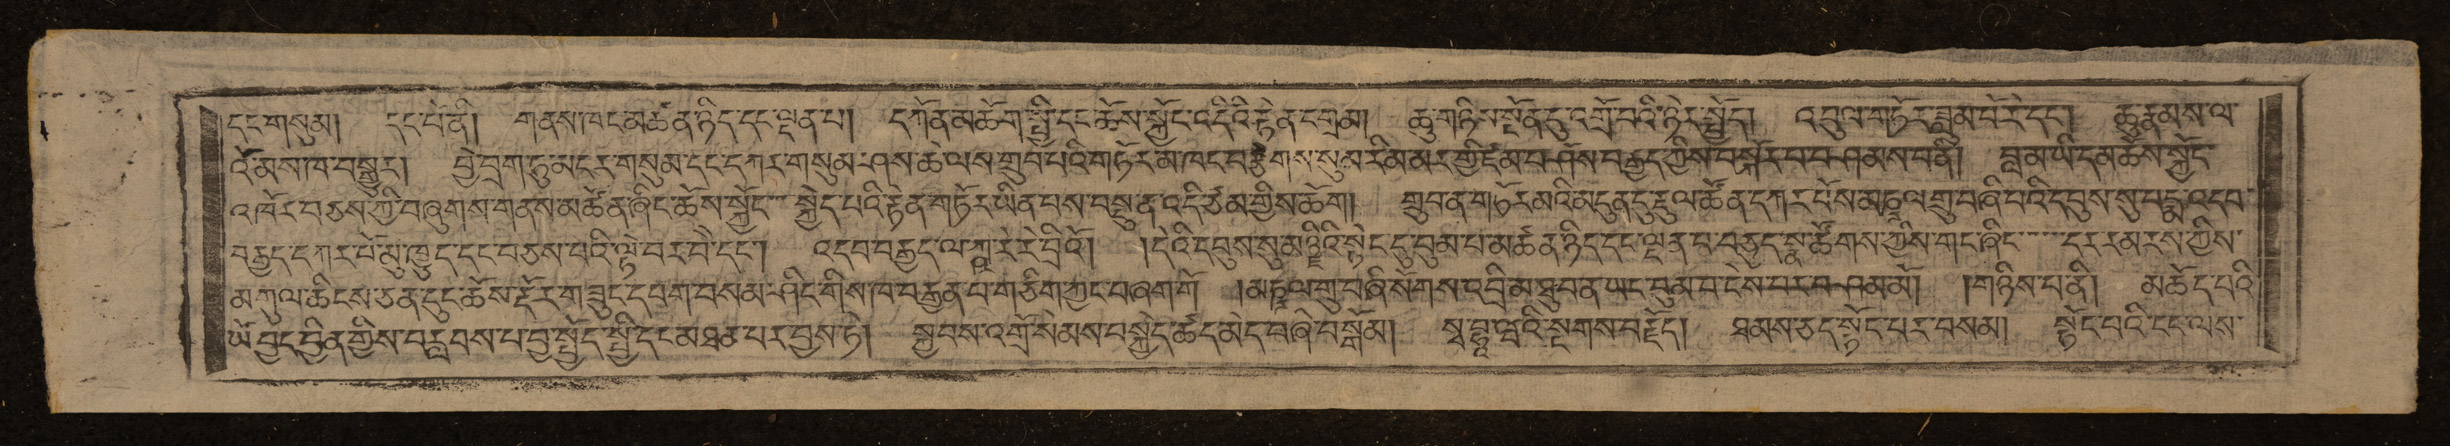དང་གསུམ། དང་པོ་ནི། གནས་ཁང་མཚན་ཉིད་དང་ལྡན་པ། དཀོན་མཆོག་སྤྱི་དང་ཆོས་སྐྱོང་འདིའི་རྟེན་དགྲམ། ཆུ་གཉིས་སྔོན་དུ་འགྲོ་བའི་ཉེར་སྤྱོད། འབུལ་གཏོར་ཟླུམ་པོ་རེ་དང་། ཆུ་རྣམས་ལ་
འོ་མས་ཁ་བསྒྱུར། བྱེ་བྲག་ཏུ་མངར་གསུམ་དང་དཀར་གསུམ་ཤས་ཆེ་ལས་གྲུབ་པའི་གཏོར་མ་ཁང་བརྩེགས་སུམ་རིམ་མར་གྱི་ཛམ་བཤོས་བརྒྱད་ཀྱིས་བསྐོར་བ་བཤམས་པ་ནི། བླ་མ་ཡི་དམ་ཆོས་སྐྱོང་
འཁོར་བཅས་ཀྱི་བཞུགས་གནས་མཚོན་ཞིང་ཆོས་སྐྱོང་སྐྱེད་པའི་རྟེན་གཏོར་ཡིན་པས་བསྡུ་ན་འདི་ཙམ་གྱིས་ཆོག། གྲུབ་ན་གཏོར་མའི་མདུན་དུ་རྡུལ་ཚོན་དཀར་པོས་མཎྜལ་གྲུ་བཞི་པའི་དབུས་སུ་པདམ་འདབ་
བརྒྱད་དཀར་པོ་མུ་ཁྱུད་དང་བཅས་པའི་ལྟེ་བར་བཻ་དང་། འདབ་བརྒྱད་ལ་ཀྵ་རེ་རེ་བྲིའོ། །དེའི་དབུས་སུ་མཉྫིའི་སྟེང་དུ་བུམ་པ་མཚན་ཉིད་དང་ལྡན་པ་བཅུད་སྣ་ཚོགས་ཀྱིས་གང་ཞིང་དར་རམ་རས་ཀྱིས་
མགུལ་ཆིངས་ཅན་དུང་ཆོས་རྡོར་གཟུང་དཔག་བསམ་ཤིང་གིས་ཁ་བརྒྱན་པ་གཅིག་ཀྱང་བཞག་གོ །མཎྜལ་གྲུ་བཞི་སོགས་འབྲི་མ་ཐུབ་ན་ཡང་བུམ་པ་ངེས་པར་བཤམ་མོ། །གཉིས་པ་ནི། མཆོད་པའི་
ཡོ་བྱད་བྱིན་གྱིས་བརླབས་པ་བྱ་སྤྱོད་སྤྱི་དང་མཐན་པར་བྱས་ཏེ། སྐྱབས་འགྲོ་སེམས་བསྐྱེད་ཚད་མེད་བཞི་བསྒོམ། སྭ་བྷཱ་ཝའི་སྔགས་བརྗོད། ཐམས་ཅད་སྟོང་བར་བསམ། སྟོང་བའི་ངང་ལས་